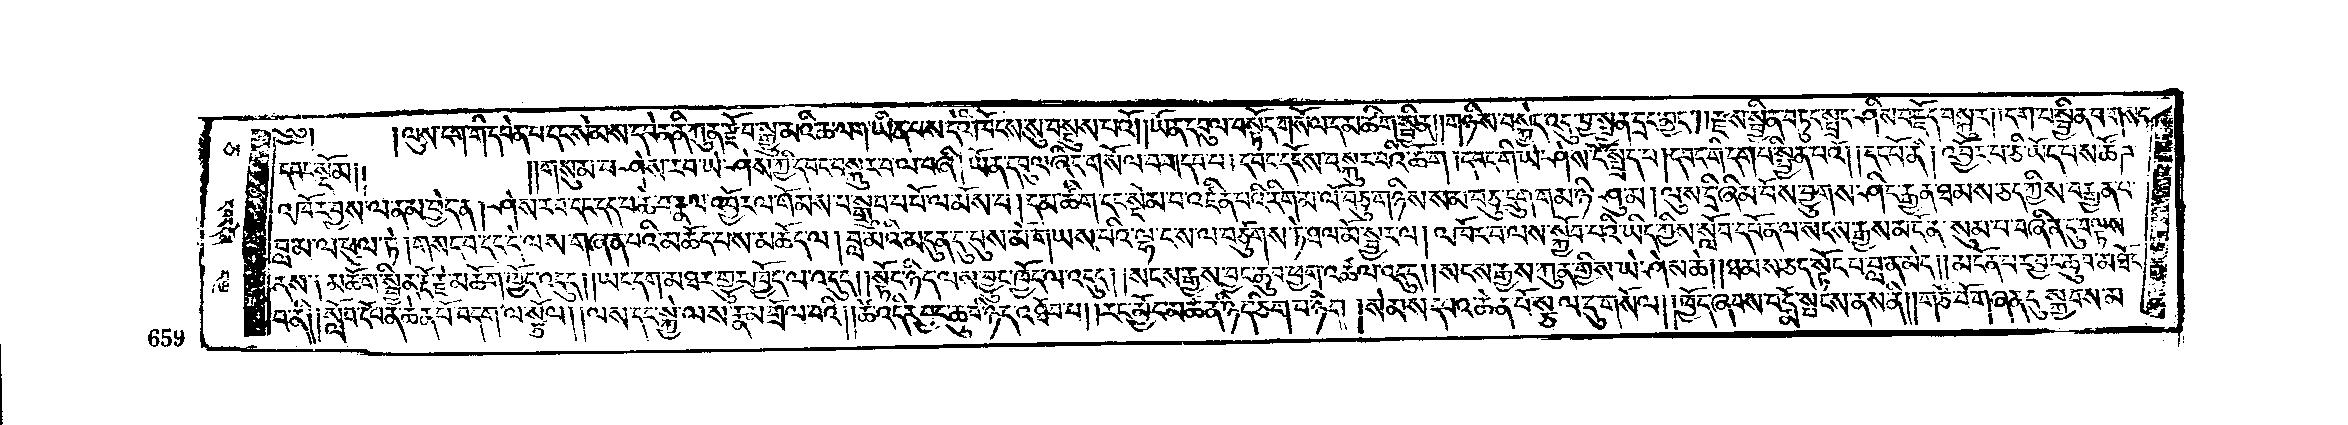༄༅། །ལུས་ངག་གི་དབེན་པ་དང་སེམས་དབེན་ནི་ཀུན་རྫོབ་སྒྱུ་མའི་ཆ་ལག་ཡིན་པས་དེའི་ཁོངས་སུ་བསྡུས་པའོ། །ཡོན་དབུལ་བསྟོད་གསོལ་དམ་ཚིག་སྦྱིན། །གཉིས་བསྐྱེད་འདུ་བྱ་སྤྱན་དྲང་མྱང་། །རྫས་སྦྱིན་བཏུང་སྤྲང་ཤིས་བརྗོད་བསྐུར། །དག་པ་སྦྱིན་པ་གསད་
དབང་སྡོམ།། །།གསུམ་པ་ཤེས་རབ་ཡེ་ཤེས་ཀྱི་དབང་བསྐུར་བ་ལ་བཞི། ཡོན་དབུལ་ཞིང་གསོལ་བ་གདབ་པ། དབང་དངོས་བསྐུར་བའི་ཆོ་ག །དབང་གི་ཡེ་ཤེས་ངོ་སྤྲད་པ། དབང་གི་དག་པ་སྦྱིན་པའོ། །དང་པོ་ནི། འབྱོར་པ་ཅི་ཡོད་པས་ཚོགས་
འཁོར་བྱས་ལ་ནམ་ཕྱེད་ན། ཤེས་རབ་དང་དད་པ་ཆེ་བ་རྣལ་འབྱོར་ལ་གོམས་པ་སྒྲུབ་པ་པོ་ལ་མོས་པ། དམ་ཚིག་དང་སྡོམ་པ་འཛིན་པའི་རིག་མ་ལོ་བཅུ་གཉིས་སམ་བཅུ་དྲུག་གམ་ཉི་ཤུ་མ། ལུས་དྲི་ཞིམ་པོས་བྱུགས་ཤིང་རྒྱན་ཐམས་ཅད་ཀྱིས་བརྒྱན་པ་
བླ་མ་ལ་ཕུལ་ཏེ། གསང་བ་དང་དེ་ལས་གཞན་པའི་མཆོད་པས་མཆོད་ལ། བླ་མའི་མདུན་དུ་པུས་མོ་གཡས་པའི་ལྷ་ང་ས་ལ་བཙུགས་ཏེ་ཐལ་མོ་སྦྱར་ལ། འཁོར་བ་ལས་སྐྱོབ་པའི་ཡིད་ཀྱིས་སློབ་དཔོན་ལ་སངས་རྒྱས་མངོན་སུམ་པ་བཞིན་དུ་བལྟས་
ནས༑ མཆོག་སྦྱིན་རྡོ་རྗེ་མཆོག་ཁྱོད་འདུད། །ཡང་དག་མཐར་གྱུར་ཁྱོད་ལ་འདུད། །སྟོང་ཉིད་ལས་བྱུང་ཁྱོད་ལ་འདུད། །སངས་རྒྱས་བྱང་ཆུབ་ཕྱག་འཚལ་འདུད། །སངས་རྒྱས་ཀུན་གྱིས་ཡེ་ཤེས་ཆེ༑ ༑ཐམས་ཅད་སྟོང་པ་བླ་ན་མེད། །མངོན་པར་བྱང་ཆུབ་མཐོང་
བ་ནི༑ ༑སློབ་དཔོན་ཆེན་པོ་བདག་ལ་སྩོལ། །ལས་དང་སྐྱེ་ལས་རྣམ་གྲོལ་བའི། །ཚེ་འདིར་བྱང་ཆུབ་ཉིད་འཐོབ་པ། །རང་མྱོང་མཚན་ཉིད་ཅིག་པ་ཉིད། །སེམས་དཔའ་ཆེན་པོ་སྩལ་དུ་གསོལ། །ཁྱོད་ཞབས་པདམོ་སྤངས་ནས་ནི། །གཙོ་བོ་གཞན་དུ་སྐྱབས་མ་